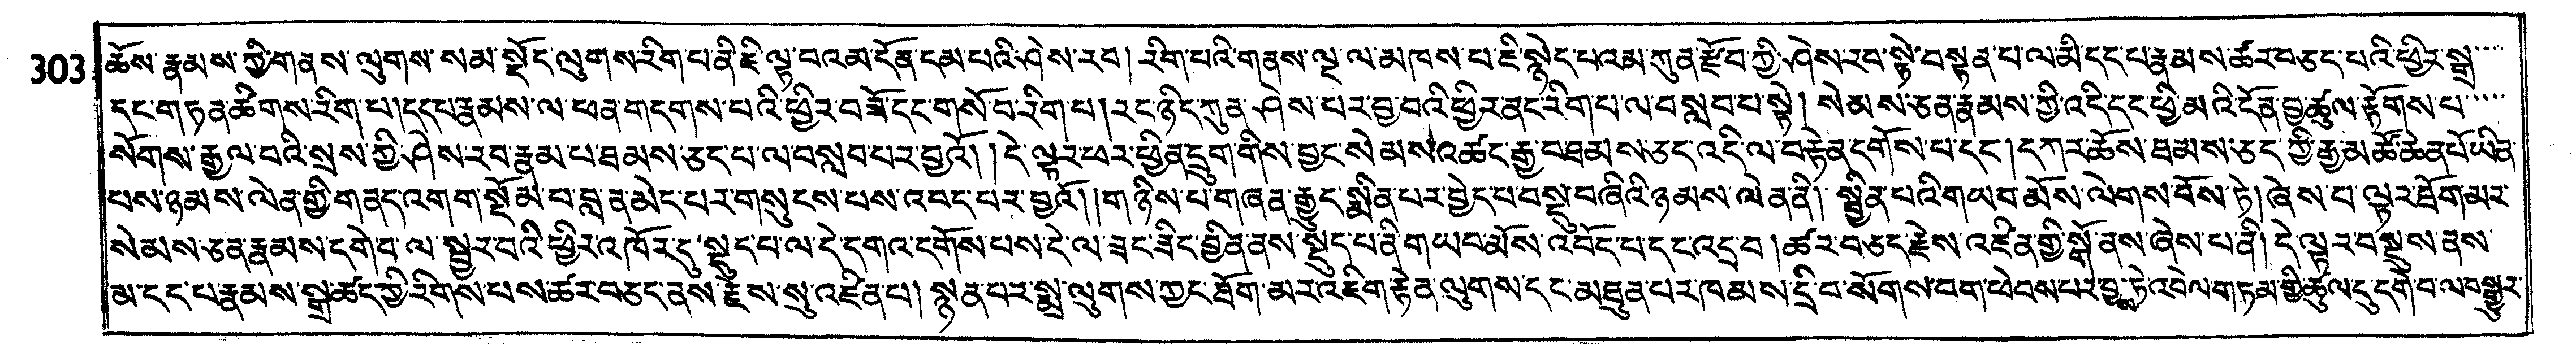ཆོས་རྣམས་ཀྱི་གནས་ལུགས་སམ་སྡོད་ལུགས་རིག་པ་ནི་ཇི་ལྟ་བའམ་དོན་དམ་པའི་ཤེས་རབ། རིག་པའི་གནས་ལྔ་ལ་མཁས་པ་ཇི་སྙེད་པའམ་ཀུན་རྫོབ་ཀྱི་ཤེས་རབ་སྟེ་བསྟན་པ་ལ་མི་དད་པ་རྣམས་ཚར་བཅད་པའི་ཕྱིར་སྒྲ་
དང་གཏན་ཚིགས་རིག་པ། དད་པ་རྣམས་ལ་ཕན་གདགས་པའི་ཕྱིར་བཟོ་དང་གསོ་བ་རིག་པ། རང་ཉིད་ཀུན་ཤེས་པར་བྱ་བའི་ཕྱིར་ནང་རིག་པ་ལ་བསླབ་པ་སྟེ། སེམས་ཅན་རྣམས་ཀྱི་འདི་དང་ཕྱི་མའི་དོན་བྱ་ཚུལ་རྟོགས་པ་
སོགས་རྒྱལ་བའི་སྲས་ཀྱི་ཤེས་རབ་རྣམ་པ་ཐམས་ཅད་པ་ལ་བསླབ་པར་བྱའོ། །དེ་ལྟར་ཕར་ཕྱིན་དྲུག་གིས་བྱང་སེམས་འཚང་རྒྱ་བ་ཐམས་ཅད་འདི་ལ་བརྟེན་དགོས་པ་དང་། དཀར་ཆོས་ཐམས་ཅད་ཀྱི་རྒྱ་མཚོ་ཆེན་པོ་ཡིན་
པས་ཉམས་ལེན་གྱི་གནད་འགག་སྡོམ་བ་བླ་ན་མེད་པར་གསུངས་པས་འབད་པར་བྱའོ། །གཉིས་པ་གཞན་རྒྱུད་སྨིན་པར་བྱེད་པ་བསྡུ་བཞིའི་ཉམས་ལེན་ནི། སྦྱིན་པའི་གཡབ་མོས་ལེགས་བོས་ཏེ། ཞེས་བ་ལྟར་ཐོག་མར་
སེམས་ཅན་རྣམས་དགེ་བ་ལ་སྦྱར་བའི་ཕྱིར་འཁོར་དུ་སྡུད་པ་ལ་དེ་དགའ་དགོས་པས་དེ་ལ་ཟང་ཟིང་བྱིན་ནས་སྡུད་པ་ནི་གཡབ་མོས་འབོད་པ་དང་འདྲ་བ། ཚར་བཅད་རྗེས་འཛིན་གྱི་སྒོ་ནས་ཞེས་པ་ནི། དེ་ལྟར་བསྡུས་ནས་
མ་དད་པ་རྣམས་སྒྲ་ཚད་ཀྱི་རིགས་པས་ཚར་བཅད་ནས་རྗེས་སུ་འཛིན་པ། སྙན་པར་སྨྲ་ལུགས་ཀྱང་ཐོག་མར་འཇིག་རྟེན་ལུགས་དང་མཐུན་པར་ཁམས་དྲི་བ་སོགས་བག་ཕེབས་པར་བྱས་ཏེ་འབེལ་གཏམ་གྱི་ཚུལ་དུ་དགེ་བ་ལ་བསྒྱུར་